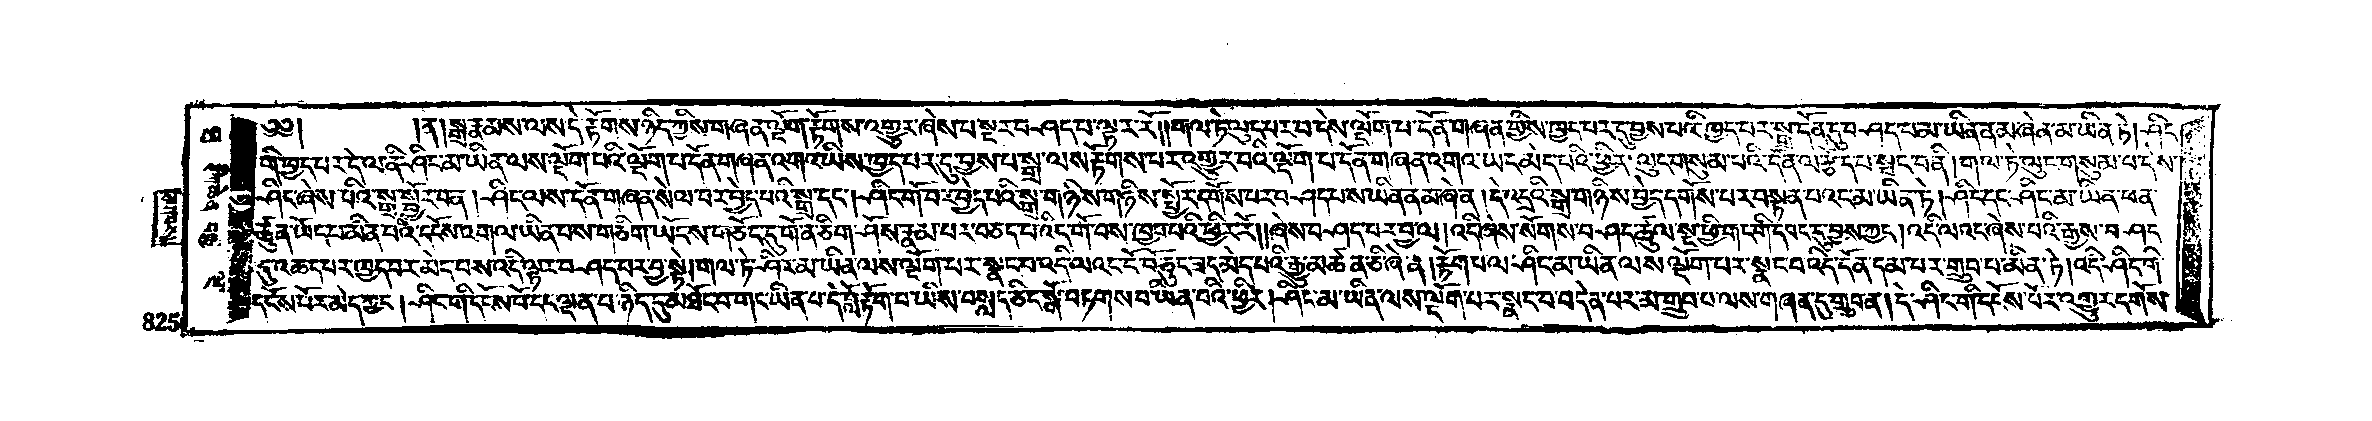༄༅། །ན༑ སྒྲ་རྣམས་ལས་དེ་རྟོགས་ཉིད་ཀྱིས་གཞན་ལྡོག་རྟོགས་འགྱུར་ཞེས་པ་སྔར་བཤད་པ་ལྟར་རོ། །གལ་ཏེ་ལུང་བར་བ་དེས་ལྡོག་པ་དོན་གཞན་གྱིས་ཁྱད་པར་དུ་བྱས་པའི་ཁྱད་པར་སྒྲ་དོན་དུ་བཤད་པ་མ་ཡིན་ནམ་ཞེ་ན་མ་ཡིན་ཏེ། ཤིང་
གི་ཁྱད་པར་དེ་ལ་ནི་ཤིང་མ་ཡིན་ལས་ལྡོག་པའི་ལྡོག་པ་དོན་གཞན་འགའ་ཡིས་ཁྱད་པར་དུ་བྱས་པ་སྒྲ་ལས་རྟོགས་པར་འགྱུར་བའི་ལྡོག་པ་དོན་གཞན་འགའ་ཡང་མེད་པའི་ཕྱིར་ལུང་གསུམ་པའི་དོན་ལ་རྩོད་པ་སྤང་བ་ནི། གལ་ཏེ་ལུང་གསུམ་པ་དེས་
ཤིང་ཞེས་པའི་སྒྲ་སྦྱོར་བ་ན། ཤིང་ལས་དོན་གཞན་སེལ་བར་བྱེད་པའི་སྒྲ་དང་། ཤིང་གོ་བར་བྱེད་པའི་སྒྲ་གཉིས་གཉིས་སྦྱོར་དགོས་པར་བཤད་པ་ས་ཡིན་ནམ་ཞེ་ན། དེ་འདྲའི་སྒྲ་གཉིས་བྱེད་དགོས་པར་བསྟན་པའང་མ་ཡིན་ཏེ། ཤིང་དང་ཤིང་མ་ཡིན་ཕན་
ཚུན་ཡོད་པ་མིན་པའི་དངོས་འགལ་ཡིན་པས་གཅིག་ཡོངས་གཅོད་དུ་གོ་ན་ཅིག་ཤོས་རྣམ་པར་བཅད་པའི་འདི་གོ་བས་ཁྱབ་པའི་ཕྱིར་རོ། །ཞེས་བཤད་པར་བྱ་ལ། འདི་ཞེས་སོགས་བཤད་ཚུལ་སྔ་ཕྱི་གང་གི་དབང་དུ་བྱས་ཀྱང་། འདི་ལའང་ཞེས་པའི་རྒྱས་བཤད་
དུ་འཆད་པར་ཁྱད་པར་མེད་པས་འདི་ལྟར་བཤད་པར་བྱ་སྟེ། གལ་ཏེ་ཤིང་མ་ཡིན་ལས་ལྡོག་པར་སྣང་བ་འདི་ལའང་ངོ་བོ་ཅུང་ཟད་མེད་པའི་རྒྱུ་མཚན་ཅི་ཞེ་ན། རྟོག་པ་ལ་ཤིང་མ་ཡིན་ལས་ལྡོག་པར་སྣང་བའི་དོན་དམ་པར་གྲུབ་པ་མིན་ཏེ། འདི་ཤིང་གི་
དངོས་པོར་མེད་ཀྱང་། ཤིང་གི་དངོས་པོ་དང་ལྡན་པ་ཉིད་དུ་མཐོང་བ་གང་ཡིན་པ་དེ་བློ་རྟོག་པ་ཡིས་བསླད་ཅིང་སྒོ་བཏགས་པ་ཡིན་པའི་ཕྱིར། ཤིང་མ་ཡིན་ལས་ལྡོག་པར་སྣང་བ་བདེན་པར་མ་གྲུབ་པ་ལས་གཞན་དུ་གྲུབ་ན། དེ་ཤིང་གི་དངོས་པོར་འགྱུར་དགོས་